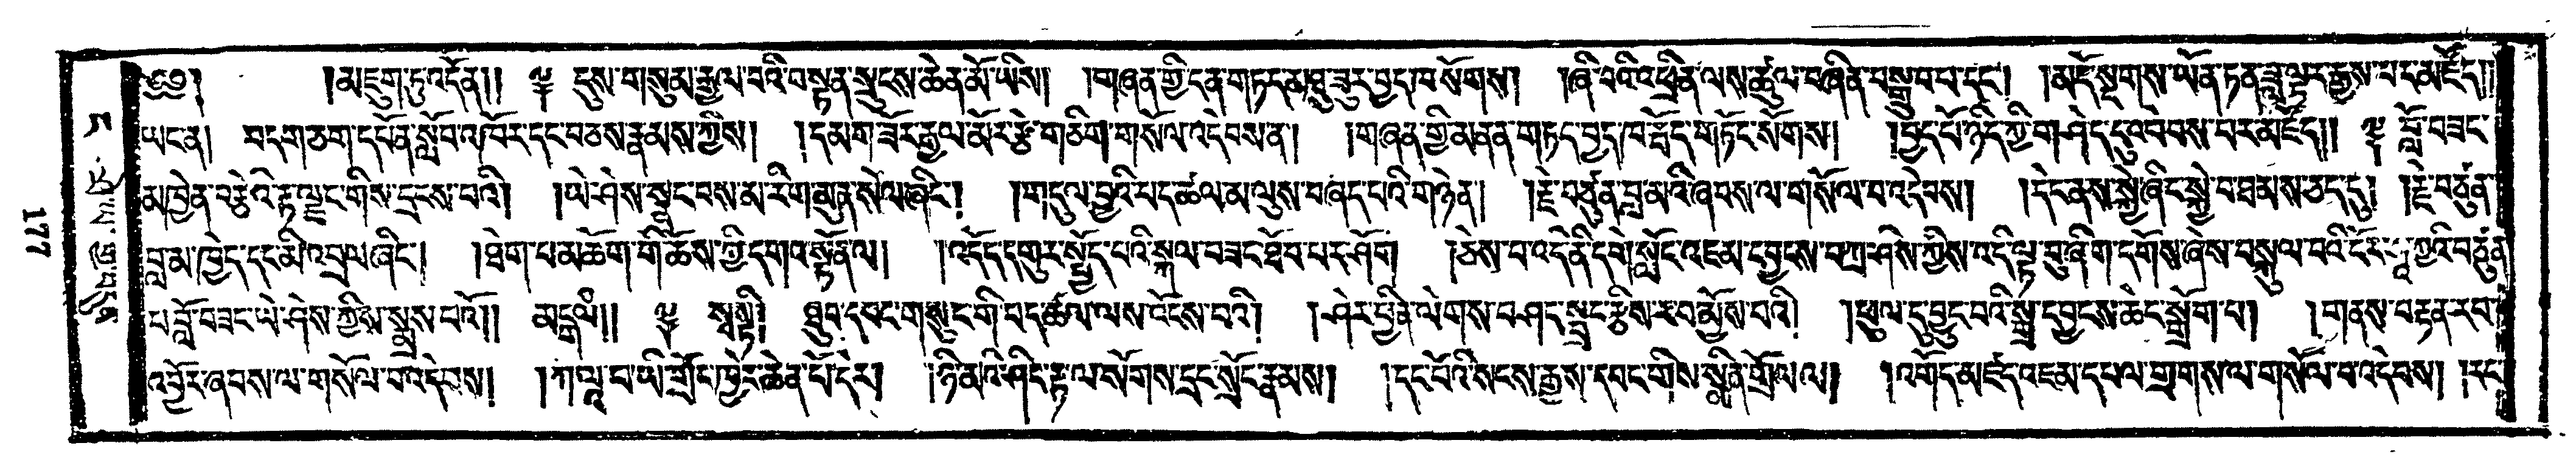༄༅། །མཇུག་ཏུ་འདོན།། ༈ དུས་གསུམ་རྒྱལ་བའི་བསྟན་སྲུངས་ཆེན་མོ་ཡིས། །གཞན་གྱི་ངན་གཏད་མཐུ་ཟུར་བྱད་ཁ་སོགས། །ཞི་བའི་འཕྲིན་ལས་ཚུལ་བཞིན་བསྒྲུབ་པ་དང་། །མདོ་སྔགས་ཡོན་ཏན་ཟླ་ལྟར་རྒྱས་པར་མཛོད།།
ཡང་ན། བདག་ཅག་དཔོན་སློབ་འཁོར་དང་བཅས་རྣམས་ཀྱིས། །དམག་ཟོར་རྒྱལ་མོར་རྩེ་གཅིག་གསོལ་འདེབས་ན། །གཞན་གྱི་མནན་གཏད་བྱད་ཁ་རྦོད་གཏོང་སོགས། །བྱང་པོ་ཉིད་ཀྱི་གཤེད་དུ་འབེབས་པར་མཛོད།། ༈ བློ་བཟང་
མཁྱེན་བརྩེའི་རྟ་ལྗང་གིས་དྲངས་པའི། །ཡེ་ཤེས་སྣང་བས་མ་རིག་མུན་སེལ་ཞིང་། །གདུལ་བྱའི་པད་ཚལ་མ་ལུས་བཞད་པའི་གཉེན། །རྗེ་བཙུན་བླ་མའི་ཞབས་ལ་གསོལ་བ་འདེབས། །དེང་ནས་སྐྱེ་ཞིང་སྐྱེ་བ་ཐམས་ཅད་དུ། །རྗེ་བཙུན་
བླ་མ་ཁྱེད་དང་མི་འབྲལ་ཞིང་། །ཐེག་པ་མཆོག་གི་ཆོས་ཀྱི་དགའ་སྟོན་ལ། །འདོད་དགུར་སྤྱོད་པའི་སྐལ་བཟང་ཐོབ་པར་ཤོག །ཅེས་བ་འདི་ནི་དགེ་སློང་འཇམ་དབྱངས་བཀྲ་ཤིས་ཀྱིས་འདི་ལྟ་བུ་ཞིག་དགོས་ཞེས་བསྐུལ་བའི་ངོར་ཤཱཀྱའི་བཙུན་
པ་བློ་བཟང་ཡེ་ཤེས་ཀྱིས་སྨྲས་པའོ།། མངྒལཾ།། ༈ སྭསྟི། ཐུབ་དབང་གསུང་གི་པད་ཚལ་ལས་འོངས་པའི། །ཤེས་ཕྱིན་ལེགས་བཤད་སྦྲང་རྩིས་རབ་མྱོས་བའི། །ཕུལ་དུ་བྱུང་བའི་སྒྲ་དབྱངས་ཆེང་སྒྲོག་པ། །གནས་བརྟན་རབ་
འབྱོར་ཞབས་ལ་གསོལ་བ་འདེབས། །ཀ་ལཱ་བ་ཡི་གྲོང་ཁྱེར་ཆེན་པོ་དེར། །ཉི་མའི་ཤིང་རྟ་ལ་སོགས་དྲང་སྲོང་རྣམས། །དང་པོའི་སངས་རྒྱས་དབང་གིས་སྨིན་གྲོལ་ལ། །འགོད་མཛད་འཇམ་དཔལ་གྲགས་ལ་གསོལ་བ་འདེབས། །རང་